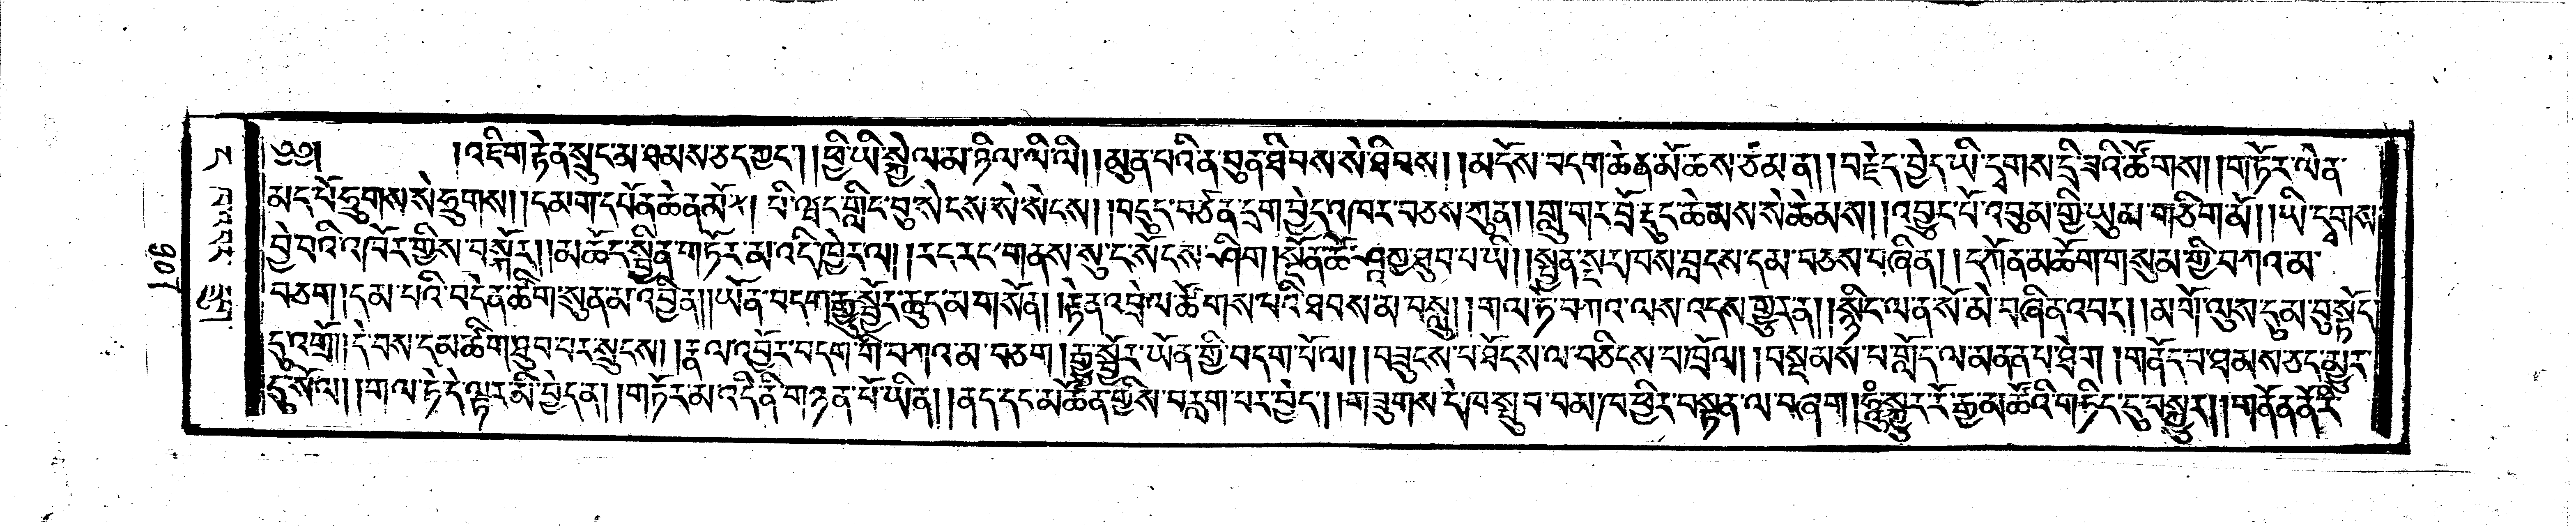༄༅། །འཇིག་རྟེན་སྲུང་མ་ཐམས་ཅད་ཀྱང་། །ཕྱི་ཡི་སྐྱེལ་མ་ཉིལ་ལི་ལི། །མུན་པའི་ན་བུན་ཐིབས་སེ་ཐིབས། །མདོས་བདག་ཆེན་མོ་ཆས་ཙམ་ན། །བརྗེད་བྱེད་ཡི་དྭགས་དྲི་ཟའི་ཚོགས། །གཏོར་ལེན་
མང་པོ་ཧྲུགས་སེ་ཧྲུགས། །དམག་དཔོན་ཆེན་མོ་྾། པི་ཝང་གླིང་བུ་སེངས་སེ་སེངས། །བདུད་བཙན་དྲག་བྱེད་འཁོར་བཅས་ཀུན། །གླུ་གར་བྲོ་རྡུང་ཆེམས་སེ་ཆེམས། །འབྱུང་པོ་འབུམ་གྱི་ཡུམ་གཅིག་མོ། །ཡི་དྭགས་
བྱེ་བའི་འཁོར་གྱིས་བསྐོར། །མཆོད་སྦྱིན་གཏོར་མ་འདི་ཁྱེར་ལ། །རང་རང་གནས་སུ་ད་སོངས་ཤིག །སྔོན་ཚེ་ཤཱཀྱ་ཐུབ་པ་ཡི། །སྤྱན་སྔར་ཁས་བླངས་དམ་བཅས་བཞིན། །དཀོན་མཆོག་གསུམ་གྱི་བཀའ་མ་
བཅག །དམ་པའི་བདེན་ཚིག་སུ་ནམ་འབྱིན། །ཡོན་བདག་རྒྱུ་སྦྱོར་ཆུད་མ་གསོན། །རྟེན་འབྲེལ་ཚོགས་པའི་ཐབས་མ་བསླུ། །གལ་ཏེ་བཀའ་ལས་འདས་གྱུར་ན། །སྙིང་ལ་ན་སོ་མེ་བཞིན་འབར། །མགོ་ལུས་དུམ་བུ་སྟོང་
དུ་འགྲོ། །དེ་བས་དམ་ཚིག་ཐུབ་པར་སྲུངས། །རྣལ་འབྱོར་བདག་གི་བཀའ་མ་བཅག །རྒྱུ་སྦྱོར་ཡོན་གྱི་བདག་པོ་ལ། །བཟུངས་པ་ཐོངས་ལ་བཅིངས་པ་ཁྲོལ། །བསྡམས་པ་གློད་ལ་མནན་པ་ཐེག །གནོད་པ་ཐམས་ཅད་མྱུར་
དུ་སོལ། །གལ་ཏེ་དེ་ལྟར་མི་བྱེད་ན། །གཏོར་མ་འདི་ནི་གཉན་པོ་ཡིན། །ནད་དང་མཚོན་གྱིས་བརླག་པར་བྱེད། །གཟུགས་དེ་ཁ་སྦུབ་བམ་ཁ་ཕྱིར་བསྟན་ལ་བཞབ། །ཧཱུཾ་སྐྱུར་རོ་རྒྱ་མཚོའི་གཏིང་དུ་བསྐྱུར། །གནོན་ནོ་རི་